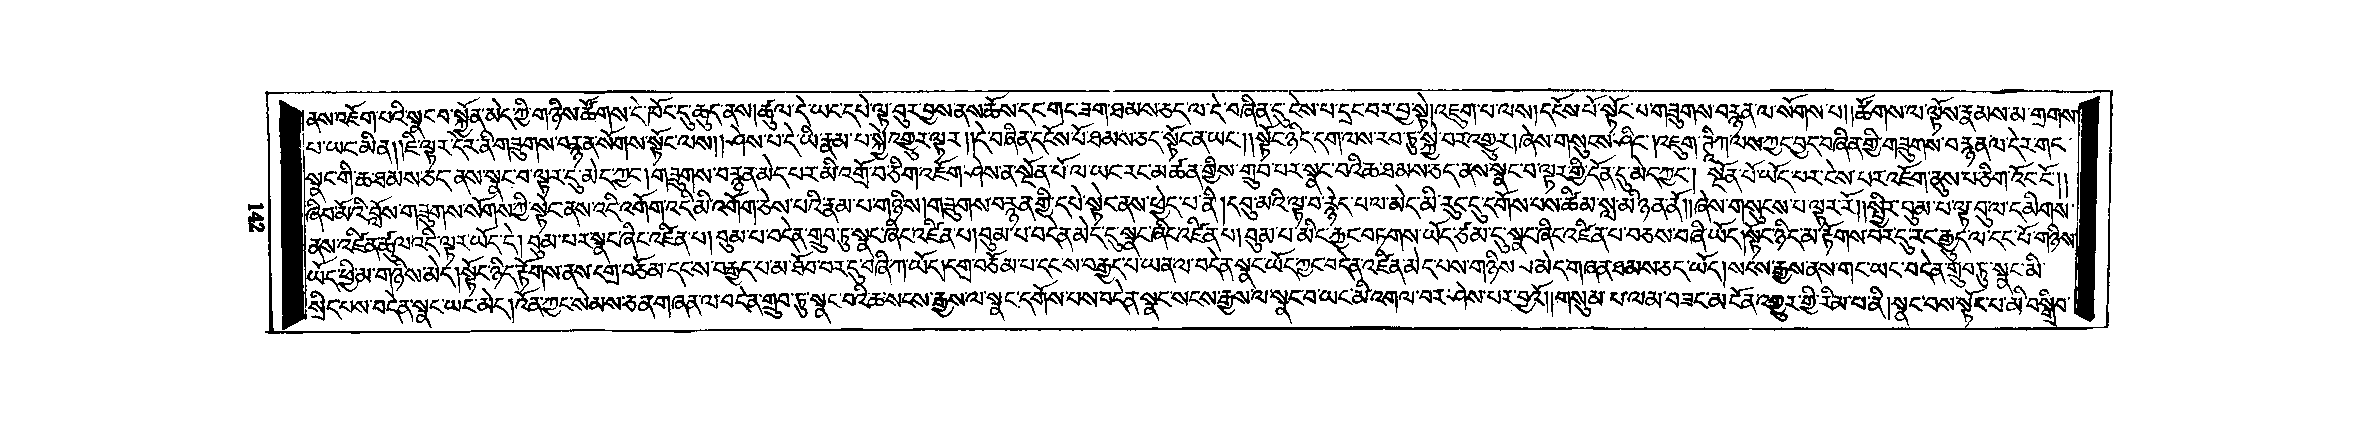ནས་འཇོག་པའི་སྣང་བ་སྐྱོན་མེད་ཀྱི་གཉིས་ཚོགས་དེ་ཁོང་དུ་ཆུད་ནས། ཚུལ་དེ་ཡང་དཔེ་ལྟ་བུར་བྱས་ནས་ཆོས་དང་གང་ཟག་ཐམས་ཅད་ལ་དེ་བཞིན་དུ་ངེས་པ་དྲང་བར་བྱ་སྟེ། འཇུག་པ་ལས། དངོས་པོ་སྟོང་པ་གཟུགས་བརྙན་ལ་སོགས་པ། །ཚོགས་ལ་ལྟོས་རྣམས་མ་གྲགས་
པ་ཡང་མིན། །ཇི་ལྟར་དེར་ནི་གཟུགས་བརྙན་སོགས་སྟོང་ལས། །ཤེས་པ་དེ་ཡི་རྣམ་པ་སྐྱེ་འགྱུར་ལྟར། །དེ་བཞིན་དངོས་པོ་ཐམས་ཅད་སྟོང་ན་ཡང་། །སྟོང་ཉིད་དག་ལས་རབ་ཏུ་སྐྱེ་བར་འགྱུར། ཞེས་གསུངས་ཤིང་། འཇུག་ཊཱིཀ་ལས་ཀྱང་བྱད་བཞིན་གྱི་གཟུགས་བརྙན་ལ་དེར་གང་
སྣང་གི་ཆ་ཐམས་ཅད་ནས་སྣང་བ་ལྟར་དུ་མེད་ཀྱང་། གཟུགས་བརྙན་མེད་པར་མི་འགྲོ་བ་ཅིག་འཇོག་ཤེས་ན་སྔོན་པོ་ལ་ཡང་རང་མཚན་གྱིས་གྲུབ་པར་སྣང་བའི་ཆ་ཐམས་ཅད་ནས་སྣང་བ་ལྟར་གྱི་དོན་དུ་མེད་ཀྱང་། སྔོན་པོ་ཡོད་པར་ངེས་པར་འཇོག་ནུས་པ་ཅིག་འོང་ངོ། །
ཞིབ་མོའི་བློས་གཟུགས་སོགས་ཀྱི་སྟེང་ནས་འདི་འགོག་འདི་མི་འགོག་ཅེས་པའི་རྣམ་པ་གཉིས། གཟུགས་བརྙན་གྱི་དཔེ་སྟེང་ནས་ཕྱེད་པ་ནི། དབུ་མའི་ལྟ་བ་རྙེད་པ་ལ་མེད་མི་རུང་དུ་དགོས་པས་ཚིམ་སླ་མི་ཉན་ནོ། །ཞེས་གསུངས་པ་ལྟར་རོ། །སྤྱིར་བུམ་པ་ལྟ་བུ་ལ་དམིགས་
ནས་འཛིན་ཚུལ་འདི་ལྟར་ཡོད་དེ། བུམ་པར་སྣང་ཞིང་འཛིན་པ། བུམ་པ་བདེན་གྲུབ་ཏུ་སྣང་ཞིང་འཛིན་པ། བུམ་པ་བདེན་མེད་དུ་སྣང་ཞིང་འཛིན་པ། བུམ་པ་མིང་རྐྱང་བཏགས་ཡོད་ཙམ་དུ་སྣང་ཞིང་འཛིན་པ་བཅས་བཞི་ཡོད། སྟོང་ཉིད་མ་རྟོགས་བར་དུ་རང་རྒྱུད་ལ་དང་པོ་གཉིས་
ཡོད་ཕྱི་མ་གཉིས་མེད། སྟོང་ཉིད་རྟོགས་ནས་དགྲ་བཅོམ་དང་ས་བརྒྱད་པ་མ་ཐོབ་བར་དུ་བཞི་ཀ་ཡོད། དགྲ་བཅོམ་པ་དང་ས་བརྒྱད་པ་ཡན་ལ་བདེན་སྣང་ཡོད་ཀྱང་བདེན་འཛིན་མེད་པས་གཉིས་པ་མེད་གཞན་ཐམས་ཅད་ཡོད། སངས་རྒྱས་ནས་གང་ཡང་བདེན་གྲུབ་ཏུ་སྣང་མི་
སྲིད་པས་བདེན་སྣང་ཡང་མེད། འོན་ཀྱང་སེམས་ཅན་གཞན་ལ་བདེན་གྲུབ་ཏུ་སྣང་བའི་ཆ་སངས་རྒྱས་ལ་སྣང་དགོས་པས་བདེན་སྣང་སངས་རྒྱས་ལ་སྣང་བ་ཡང་མི་འགལ་བར་ཤེས་པར་བྱའོ། །གསུམ་པ་ལམ་བཟང་མངོན་འགྱུར་གྱི་རིམ་པ་ནི། སྣང་བས་སྟོང་པ་མི་བསྒྲིབ་